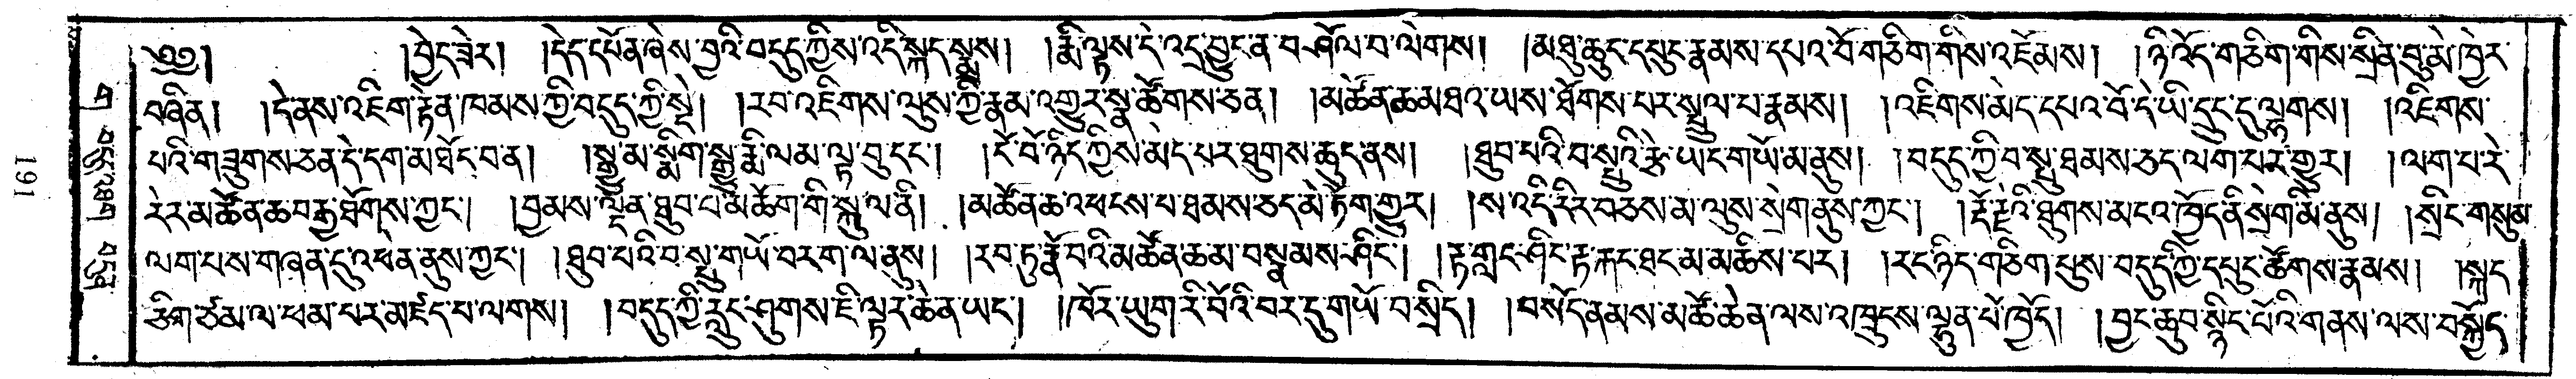༄༅། །བྱེད་ཟེར། །དེད་དཔོན་ཞེས་བྱའི་བདུད་ཀྱིས་འདི་སྐད་སྨྲས། །རྨི་ལྟས་དེ་འད་བྱུང་ན་བཤོལ་བ་ལེགས། །མཐུ་ཆུང་དཔུང་རྣམས་དཔའ་བོ་གཅིག་གིས་འཇོམས། །ཉི་འོད་གཅིག་གིས་སྲིན་བུ་མེ་ཁྱེར་
བཞིན། །དེ་ནས་འཇིག་རྟེན་ཁམས་ཀྱི་བདུད་ཀྱི་སྡེ། །རབ་འཇིགས་ལུས་ཀྱི་རྣམ་འགྱུར་སྣ་ཚོགས་ཅན། །མཚོན་ཆ་མཐའ་ཡས་ཐོགས་པར་སྤྲུལ་པ་རྣམས། །འཇིགས་མེད་དཔའ་བོ་དེ་ཡི་དྲུང་དུ་ལྷགས། །འཇིགས་
པའི་གཟུགས་ཅན་དེ་དག་མཐོང་བ་ན། །སྒྱུ་མ་སྨིག་སྒྱུ་རྨི་ལམ་ལྟ་བུ་དང་། །ངོ་བོ་ཉིད་ཀྱིས་མེད་པར་ཐུགས་ཆུད་ནས། །ཐུབ་པའི་བ་སྤུའི་རྩེ་ཡང་གཡོ་མ་ནུས། །བདུད་ཀྱི་བ་སྤུ་ཐམས་ཅད་ལག་པར་གྱུར། །ལག་པ་རེ་
རེར་མཚོན་ཆ་བརྒྱ་ཐོགས་ཀྱང་། །བྱམས་ལྡན་ཐུབ་པ་མཆོག་གི་སྐུ་ལ་ནི། །མཚོན་ཆ་འཕངས་པ་ཐམས་ཅད་མེ་ཏོག་གྱུར། །ས་འདི་རིར་བཅས་མ་ལུས་སྲེག་ནུས་ཀྱང་། །རྡོ་རྗེའི་ཐུགས་མངའ་ཁྱོད་ནི་སྲེག་མི་ནུས། །སྲིང་གསུམ་
ལག་པས་གཞན་དུ་འཕེན་ནུས་ཀྱང་། །ཐུབ་པའི་བ་སྤུ་གཡོ་བར་ག་ལ་ནུས། །རབ་ཏུ་རྣོ་བའི་མཚོན་ཆ་མ་བསྣམས་ཤིང་། །རྟ་གླང་ཤིང་རྟ་རྐང་ཐང་མ་མཆིས་པར། །རང་ཉིད་གཅིག་པུས་བདུད་ཀྱི་དཔུང་ཚོགས་རྣམས། །སྐད་
ཅིག་ཙམ་ལ་ཕམ་པར་མཛད་པ་ལགས། །བདུད་ཀྱི་རླུང་ཤུགས་ཇི་ལྟར་ཆེན་ཡང་། །ཁོར་ཡུག་རི་བོའི་བར་དུ་གཡོ་བ་སྲིད། །བསོད་ནམས་མཚོ་ཆེན་ལས་འཁྲུངས་ལྷུན་པོ་ཁྱོད། །བྱང་ཆུབ་སྙིང་པོའི་གནས་ལས་བསྐྱོད་